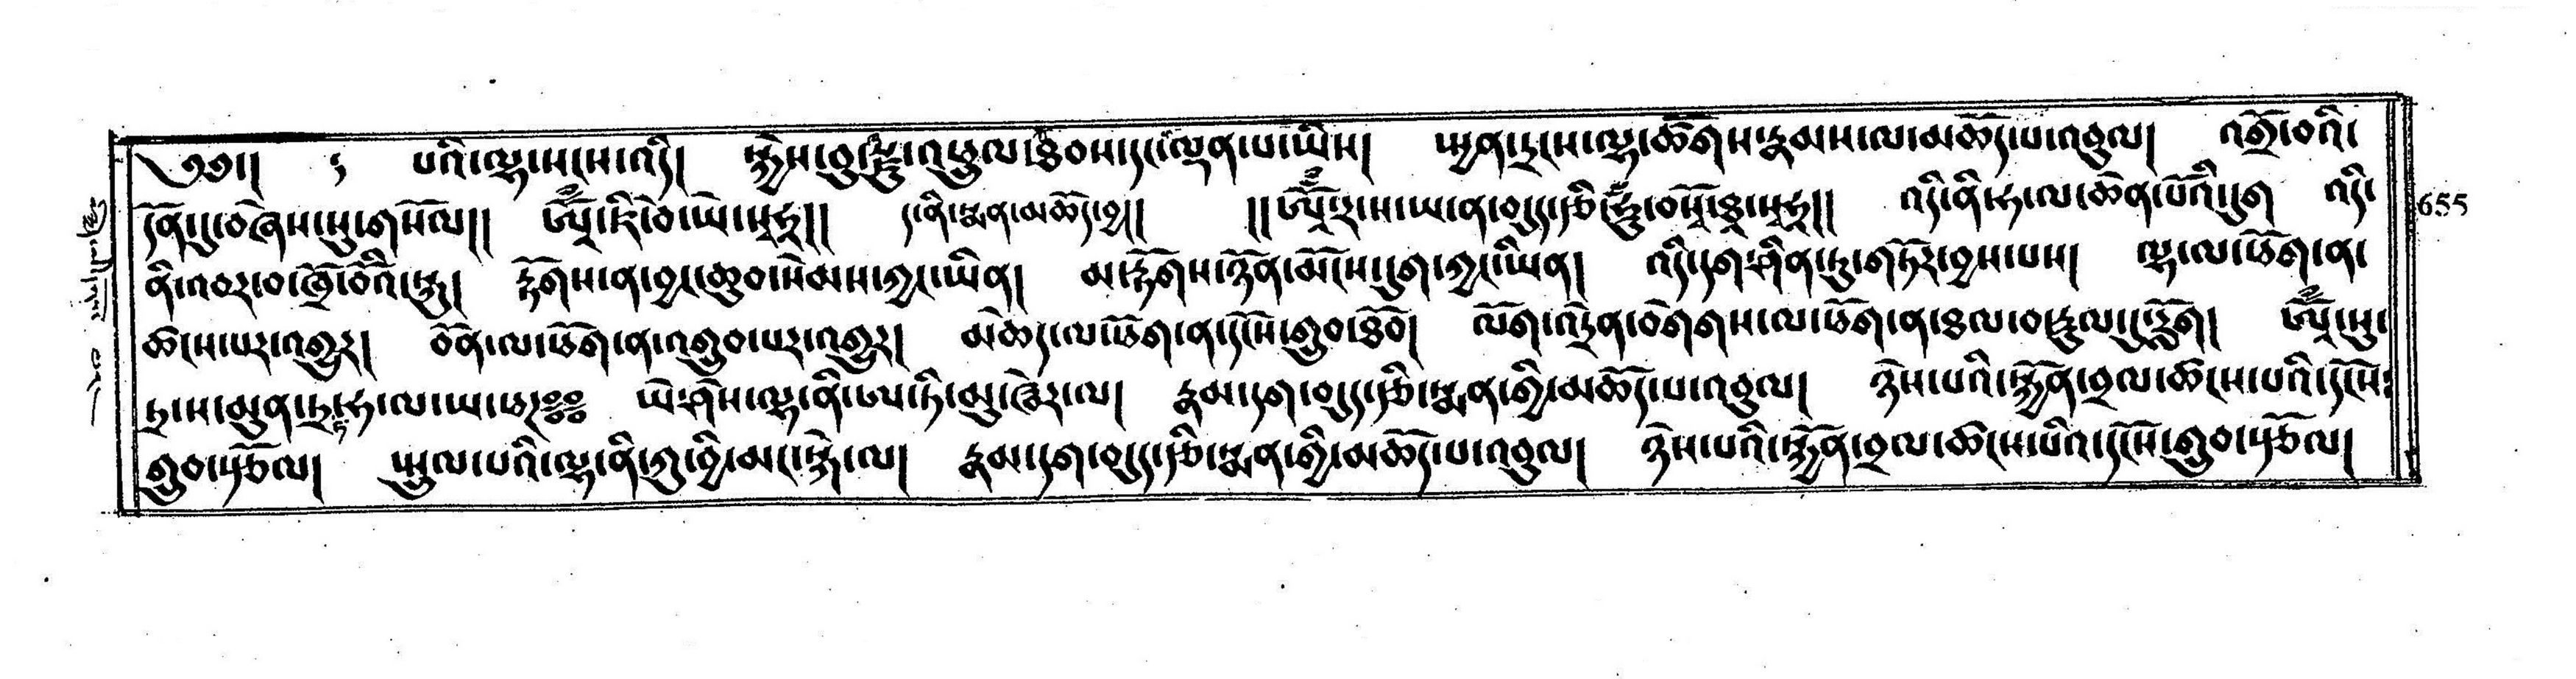པའི་ལྷ་སངས་འདི། སྐྱེས་བུ་རྫུ་འཕྲུལ་ཐབས་དང་ལྡན་པ་ཡིས། སྤྱན་དྲངས་ལྷ་ཚོགས་རྣམས་ལ་མཆོད་པ་འབུལ། འགྲོ་བའི་
དོན་དུ་བཞེས་སུ་གསོལ།། ཨཱོཾ་ཇི་བེ་ཡེ་སྭཧཱ།། ད་ནི་སྨན་མཆོད་བྱ།། །།ཨཱོཾ་ར་ས་ཡ་ན་བདུད་རྩི་ཧཱུྃ་བསྭོ་ཐཱ་སྭཧཱ།། འདི་
ནི་ཧ་ལ་ཆེན་པོའི་དུག འདི་ནི་འབར་བ་ཁྲོ་བོའི་སྐུ། རྟོགས་ན་བྱང་ཆུབ་སེམས་ཀྱང་ཡིན། མ་རྟོགས་ཉོན་མོངས་དུག་ཀྱང་ཡིན། འདི་དག་ཤིན་ཏུ་གཏོར་བྱས་པས། ལྷ་ལ་ཕོག་ན་
ཚངས་པར་འགྱུར། བོན་ལ་ཕོག་ན་འགྲུབ་པར་འགྱུར། མཆེད་ལ་ཕོག་ན་དངོས་གྲུབ་ཐོབ། ལོག་འདྲེན་བགེགས་ལ་ཕོག་ན་ཐལ་བ་རྡུལ་དུ་རློག ཨཱོཾ་སུ་
ཏྲ་ས་མུན་ཏྲ་ཏ་ཧ་ལ་ཡ་ཕཊ༔༔ ཡེ་ཤེས་ལྷ་ནི་ཨ་ཏི་མུ་ཝེར་ལ། རྣམ་དག་བདུད་རྩི་སྨན་གྱི་མཆོད་པ་འབུལ། ཉེས་པའི་སྐྱོན་བྲལ་ཚངས་པའི་དངོས་
གྲུབ་སྩོལ། སྤྲུལ་པའི་ལྷ་ནི་ཀུ་བྱི་མང་སྐེ་ལ། རྣམ་དག་བདུད་རྩི་སྨན་གྱི་མཆོད་པ་འབུལ། ཉེས་པའི་སྐྱོན་བྲལ་ཚངས་པའི་དངོས་གྲུབ་སྩོལ།